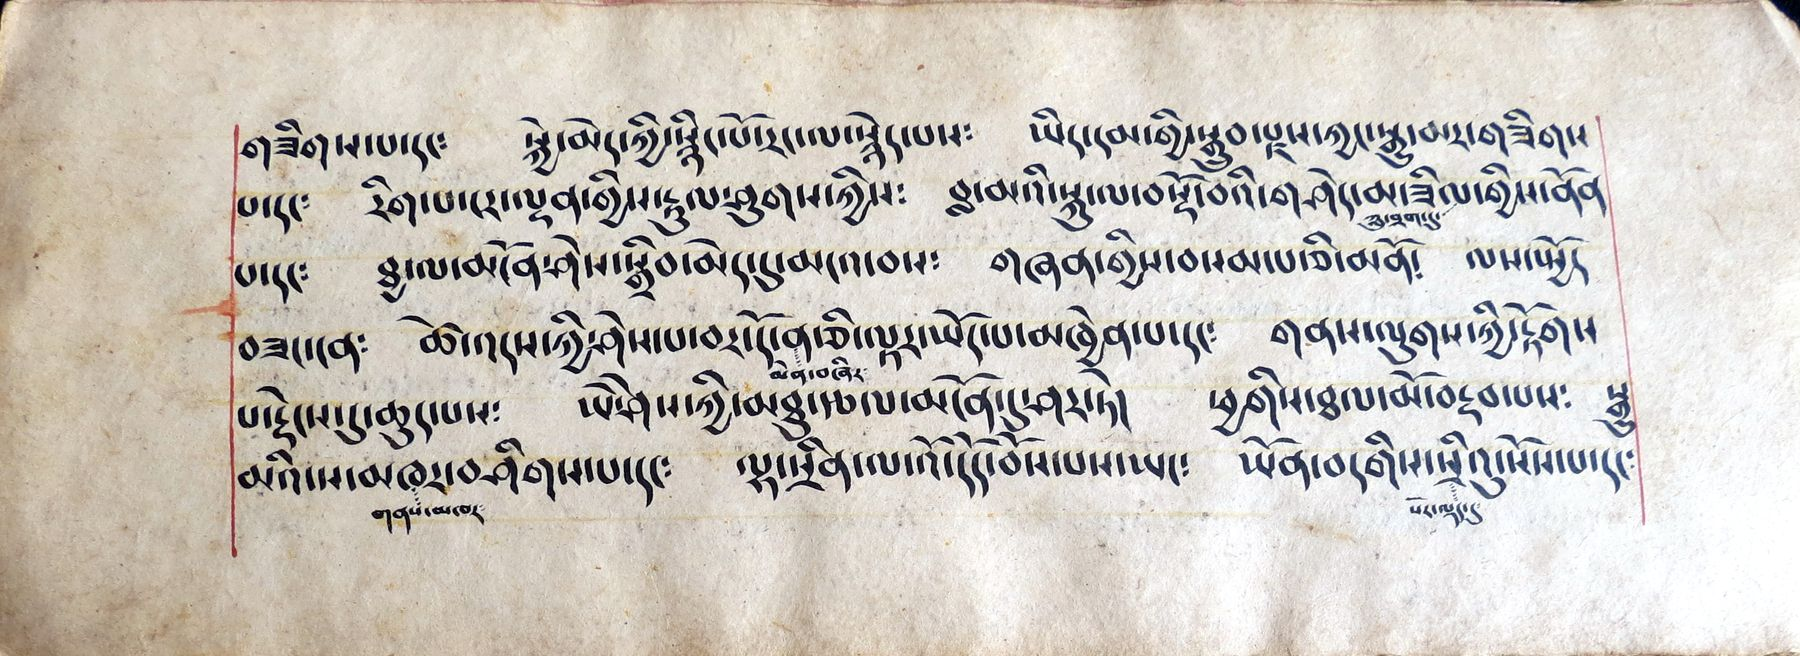གཟིགས་པ་དང་། སྐྱེ་མེད་ཀྱི་སྙིང་པོ་རང་ལ་རྙེད་པས། ཡི་དམ་གྱི་སྒྲུབ་རྫས་ཀྱང་སྒྱུ་མར་གཟིགས་
པ་དང་། རིག་པ་ངར་ལྔན་གྱི་རྡུལ་ཤུགས་ཀྱིས། བླ་མའི་སྐུ་ལ་བསྡོ་བའི་གཤེད་མ་ཀླུ་བྲག་ཏུ་ཟིལ་གྱིས་ནོན་
པ་དང་། ཐུགས་ལ་མངོན་ཤེས་སྒྲིབ་མེད་དུ་མངའ་བས། གཞན་གྱི་བསམ་པ་ཅི་ལྟར་མནོ། ལས་སྤྱོད་
བཟང་ངན། ཚེ་འདས་ཀྱི་ཤེས་པ་བར་དོ་ན་༼ལན་བཞིར་༽ཅི་ལྟར་ཡོད་པ་མཁྱེན་པ་དང་། གནས་ལུགས་ཀྱི་རྟོགས་
པ་གདེང་དུ་ཆུད་པས། ཡེ་ཤེས་ཀྱི་མཐུ་རྩལ་མངོན་དུ་ཤར་ཏེ། ཕྱག་གིས་ཐལ་མོ་བརྡབས་པས། སྒྱུ་
མའི་ས་༼གནས་མཁར༽མཁར་བཤིག་པ་དང་། ལྷ་སྲིན་ལ་འོ་དོད་བོས་པས་ཡང་། ཡོན་བདག་གིས་སྲིའུ་༼པོར་ལྡད་དུ་༽སོས་པ་དང་།